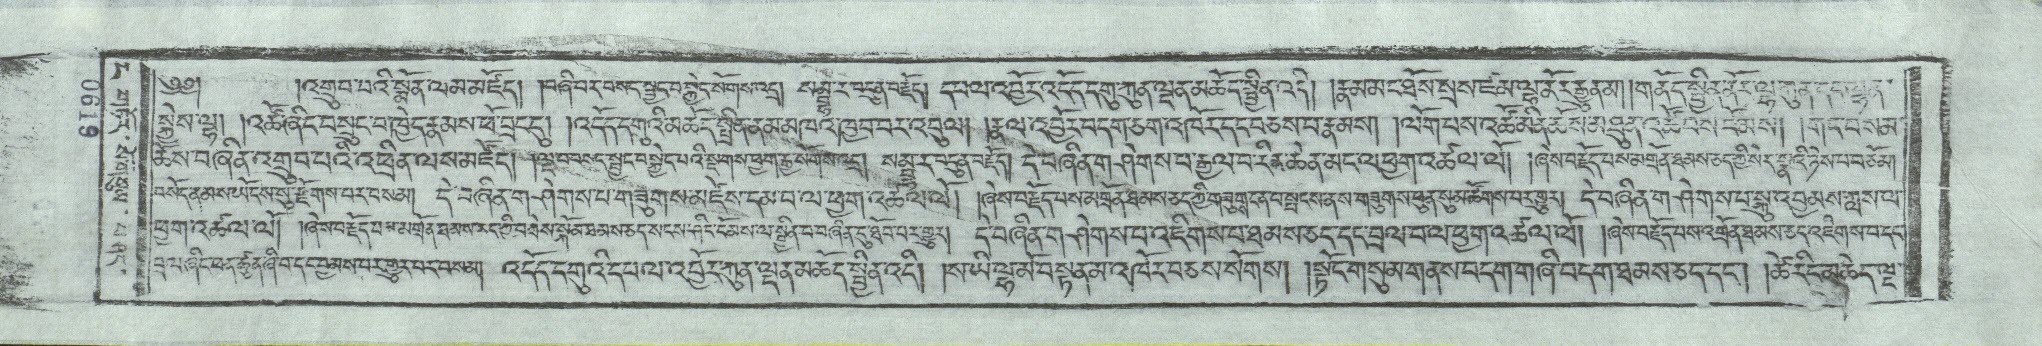༄༅། །འགྲུབ་པའི་སྨོན་ལམ་མཛོད། །བཞི་པར་བསད་སྦྱང་བསྐྱེད་སོགས་འདྲ། སྨྦྷ་ར་བདུན་བརྗོད། དཔལ་འབྱོར་འདོད་དགུ་ཀུན་ལྡན་མཆོད་སྦྱིན་འདི། །རྣམ་མང་ཐོས་སྲས་ཛམ་ལྷ་ནོར་རྒྱུན་མ། །གནོད་སྦྱིན་ནོར་ལྷ་ཀུན་དང་ལྷན་
སྐྱེས་ལྷ། །འཚོ་ཞིང་བསྲུང་བ་ཁྱེད་རྣམས་ཕོ་བྲང་དུ། །འདོད་དགུའི་མཆོད་སྤྲིན་ནམ་མཁའ་ཁྱབ་པར་འབུལ། །རྣལ་འབྱོར་བདག་ཅག་འཁོར་དང་བཅས་པ་རྣམས། །ལོག་པས་འཚོ་མིན་ཆོས་མཐུན་འཚོ་བས་ངོམས། །གང་བསམ་
ཆོས་བཞིན་འགྲུབ་པའི་འཕྲིན་ལས་མཛོད། །ལྔ་བསད་སྦྱད་བསྐྱེད་པའི་སྔགས་ཕྱག་རྒྱ་སོགས་འདྲ། སམྦྷ་ར་བདུན་བརྗོད། དེ་བཞིན་གཤེགས་པ་རྒྱལ་པ་རིན་ཆེན་མང་ལ་ཕྱག་འཚལ་ལོ། །ཞེས་བརྗོད་པས་མགྲོན་ཐམས་ཅད་ཀྱི་སེ་སྣའི་ཉེས་བ་བཅོམ།
བསོད་ནམས་ཡོངས་སུ་རྫོགས་པར་བསམ། དེ་བཞིན་གཤེགས་པ་གཟུགས་མཛེས་དམ་པ་ལ་ཕྱག་འཚལ་ལོ། །ཞེས་བརྗོད་པས་མགྲོན་ཐམས་ཅད་ཀྱི་གཟུགས་ངན་པ་སྤངས་ནས་གཟུགས་ཕུན་སུམ་ཚོགས་པར་གྱུར། དེ་བཞིན་གཤེགས་པ་སྐུ་འབྱམས་ཀླས་ལ་
ཕྱག་འཚལ་ལོ། །ཞེས་བརྗོད་པས་མགྲོན་ཐམས་ཅད་ཀྱི་བཀྲེས་སྐོམ་ཐམས་ཅད་སངས་ཤིང་ངོམས་ལ་སྦྱིན་པ་བཞིན་དུ་ཐོབ་པར་གྱུར། དེ་བཞིན་གཤེགས་པ་འཇིགས་པ་ཐམས་ཅད་དང་བྲལ་བ་ལ་ཕྱག་འཚལ་ལོ། །ཞེས་བརྗོད་པས་འགྲོན་ཐམས་ཅད་འཇིགས་པ་དང་
བྲལ་ཞིང་ཕན་ཚུན་ཞི་བ་དང་བྱམས་པར་གྱུར་པར་བསམ། འདོད་དགུའི་དཔལ་འབྱོར་ཀུན་ལྡན་མཆོད་སྦྱིན་འདི། །ས་ཡི་ལྷ་མོ་བསྟན་མ་འཁོར་བཅས་སོགས། །སྟོང་གསུམ་གནས་བདག་གཞི་བདག་ཐམས་ཅད་དང་། །ཚེ་རིང་མཆེད་ལྔ་